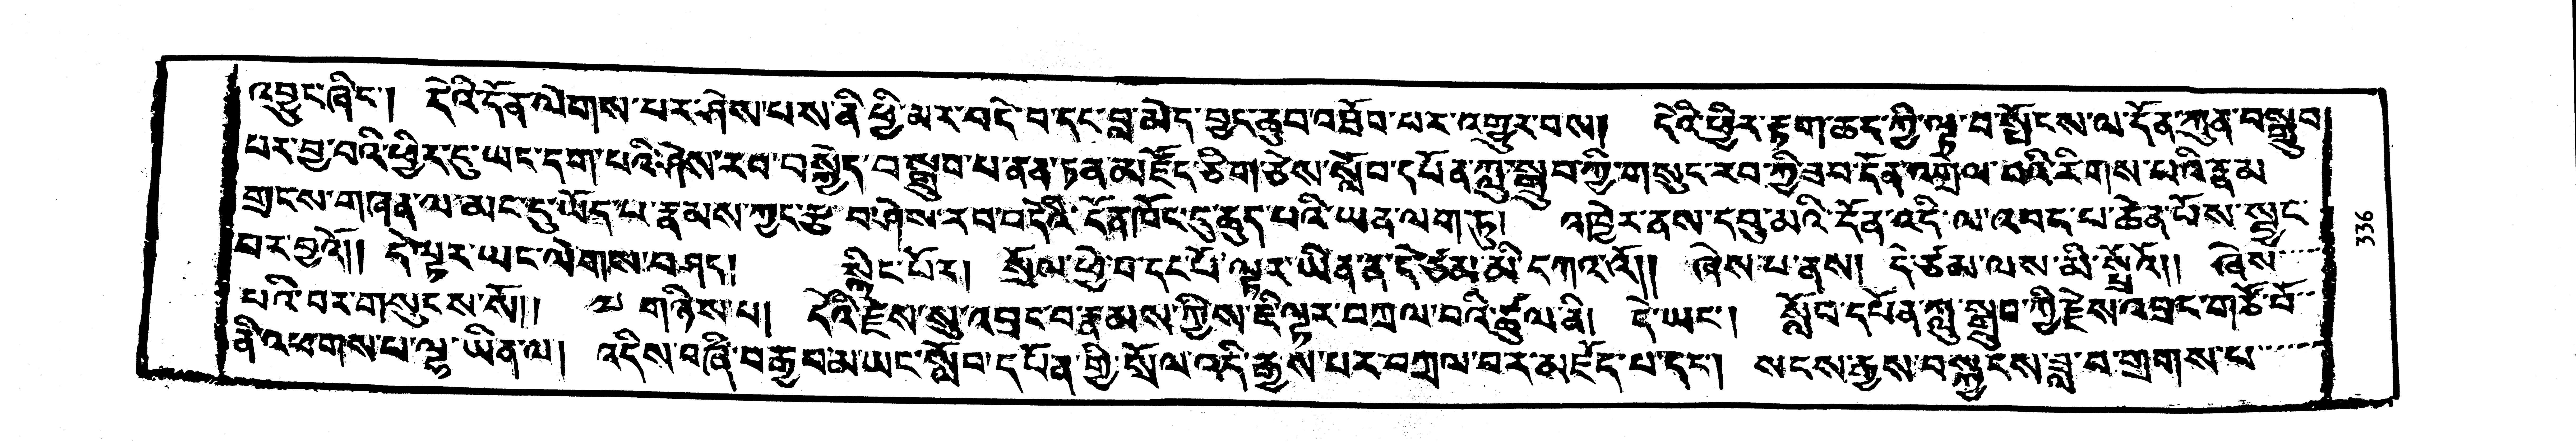འབྱུང་ཞིང་། དེའི་དོན་ལེགས་པར་ཤེས་པས་ནི་ཕྱི་མར་བདེ་བ་དང་བླ་མེད་བྱང་ཆུབ་འཐོབ་པར་འགྱུར་བས། དེའི་ཕྱིར་རྟག་ཆད་ཀྱི་ལྟ་བ་སྤོངས་ལ་དོན་ཀུན་བསྒྲུབ་
པར་བྱ་བའི་ཕྱིར་དུ་ཡང་དག་པའི་ཤེས་རབ་བསྐྱེད་བསྒྲུབ་པ་ནན་ཏན་མཛོད་ཅིག་ཅེས་སློབ་དཔོན་ཀླུ་སྒྲུབ་ཀྱི་གསུང་རབ་ཀྱི་ཟབ་དོན་འགྲེལ་བའི་རིགས་པའི་རྣམ་
གྲངས་གཞན་ལ་མང་དུ་ཡོད་པ་རྣམས་ཀྱང་རྩ་བ་ཤེས་རབ་བདེའི་དོན་ཁོང་དུ་ཆུད་པའི་ཡན་ལག་ཏུ། །འཁྱེར་ནས་དབུ་མའི་དོན་འདི་ལ་འབད་པ་ཆེན་པོས་སྦྱང་
བར་བྱའོ། །དེ་ལྟར་ཡང་ལེགས་བཤད། སྙིང་པོར། སྲོལ་ཕྱེ་བ་དང་པོ་ལྟར་ཡིན་ན་དེ་ཙམ་མི་དཀའ་འོ། །ཞེས་པ་ནས། དེ་ཙམ་ལས་མི་སྤྲོའོ། །ཞེས་
པའི་བར་གསུངས་སོ། །གཉིས་པ། དེའི་རྗེས་སུ་འབྲང་བ་རྣམས་ཀྱིས་ཇི་ལྟར་བཀྲལ་བའི་ཚུལ་ནི། དེ་ཡང་། སློབ་དཔོན་ཀླུ་སྒྲུབ་ཀྱི་རྗེས་འབྲང་གཙོ་བོ་
ནི་འཕགས་པ་ལྷ་ཡིན་ལ། འདིས་བཞི་བརྒྱབ་མ་ཡང་སློབ་དཔོན་གྱི་སྲོལ་འདི་རྒྱས་པར་བཀྲལ་བར་མཛོད་པ་དང་། སངས་རྒྱས་བསྐྱངས་ཟླ་བ་གྲགས་པ་